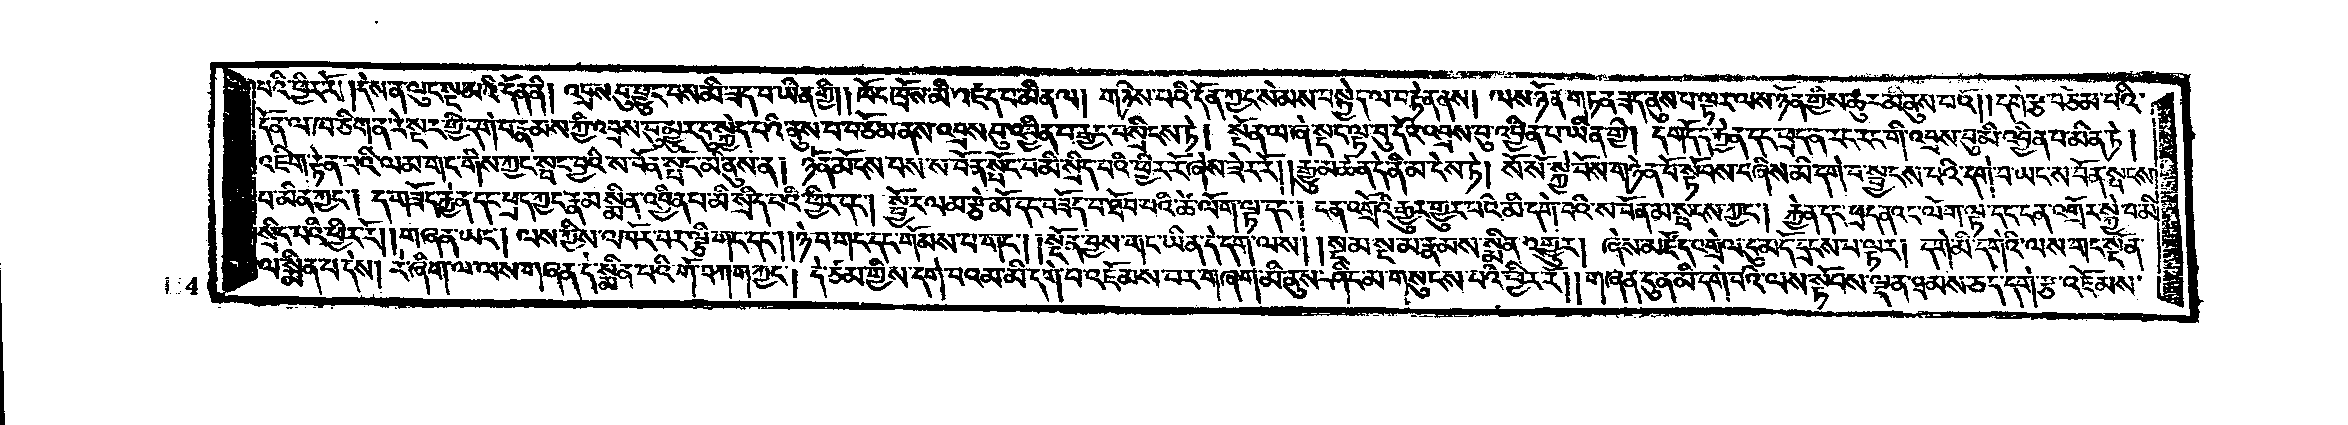པའི་ཕྱིར་རོ། །དེས་ན་ལུང་སྔ་མའི་དོན་ནི། འབྲས་བུ་ཕྱུང་བས་མི་ཟད་པ་ཡིན་གྱི། །ཁོང་ཁྲོས་མི་འཛད་པ་མིན་ལ། གཉིས་པའི་དོན་ཀྱང་སེམས་བསྐྱེད་ལ་བརྟེན་ནས། ལས་ཉོན་གཏན་ཟད་ནུས་པ་ལྟར་ལས་ཉོན་གྱིས་ཚུར་མི་ནུས་པའོ། །དགེ་རྩ་བཅོམ་པའི་
དོན་ལ་ཁ་ཅིག་ན་རེ་སྔར་གྱི་དགེ་བ་རྣམས་ཀྱི་འབྲས་བུ་མྱུར་དུ་སྐྱེད་པའི་ནུས་པ་བཅོམ་ནས་འབྲས་བུ་འབྱིན་པ་རྒྱང་བསྲིངས་ཏེ། སྔོན་ལ་ཞེ་སྡང་ལྟ་བུ་དེའི་འབྲས་བུ་འབྱིན་པ་ཡིན་གྱི། ད་གདོད་རྐྱེན་དང་ཕྲད་ན་རང་རང་གི་འབྲས་བུ་མི་འབྱིན་པ་མིན་ཏེ།
འཇིག་རྟེན་པའི་ལམ་གང་གིས་ཀྱང་སྤང་བྱའི་ས་བོན་སྤོང་མི་ནུས་ན། ཉོན་མོངས་པས་ས་བོན་སྤོང་བ་མི་སྲིད་པའི་ཕྱིར་རོ་ཞེས་ཟེར་རོ། །རྒྱུ་མཚན་དེ་ནི་མ་ངེས་ཏེ། སོ་སོ་སྐྱེ་བོས་གཉེན་པོ་སྟོབས་བཞིས་མི་དགེ་བ་སྦྱངས་པའི་མི་དགེ་བ་ཡང་ས་བོན་སྤངས་
པ་མིན་ཀྱང་། ད་གཟོད་རྐྱེན་དང་ཕྲད་ཀྱང་རྣམ་སྨིན་འབྱིན་པ་མི་སྲིད་པའི་ཕྱིར་དང་། སྦྱོར་ལམ་རྩེ་མོ་དང་བཟོད་པ་ཐོབ་པའི་ཚེ་ལོག་ལྟ་དང་། ངན་འགྲོའི་རྒྱུར་གྱུར་པའི་མི་དགེ་བའི་ས་བོན་མ་སྤངས་ཀྱང་། རྐྱེན་དང་ཕྲད་ནའང་ལོག་ལྟ་དང་ངན་འགྲོར་སྐྱེ་བ་མི་
སྲིད་པའི་ཕྱིར་རོ། །གཞན་ཡང་། ལས་ཀྱིས་འཁོར་བར་ལྕི་གང་དང་། །ཉེ་བ་གང་དང་གོམས་པ་གང་། །སྔོན་བྱས་གང་ཡིན་དེ་དག་ལས། །སྔ་མ་སྔ་མ་རྣམས་སྨིན་འགྱུར། ཞེས་མཛོད་འགྲེལ་དུ་མདོ་དྲངས་པ་ལྟར། དགེ་མི་དགེའི་ལས་གང་སྔོན་
ལ་སྨིན་པ་དེས། རེ་ཞིག་ལ་ལས་གཞན་དེ་སྨིན་པའི་གོ་བཀག་ཀྱང་། དེ་ཙམ་གྱིས་དགེ་བའམ་མི་དགེ་པ་འཇོམས་པར་གཞག་མི་ནུས་ཤིང་མ་གསུངས་པའི་ཕྱིར་རོ། །གཞན་དུ་ན་མི་དགེ་བའི་ལས་སྟོབས་ལྡན་ཐམས་ཅད་དགེ་རྩ་འཇོམས་